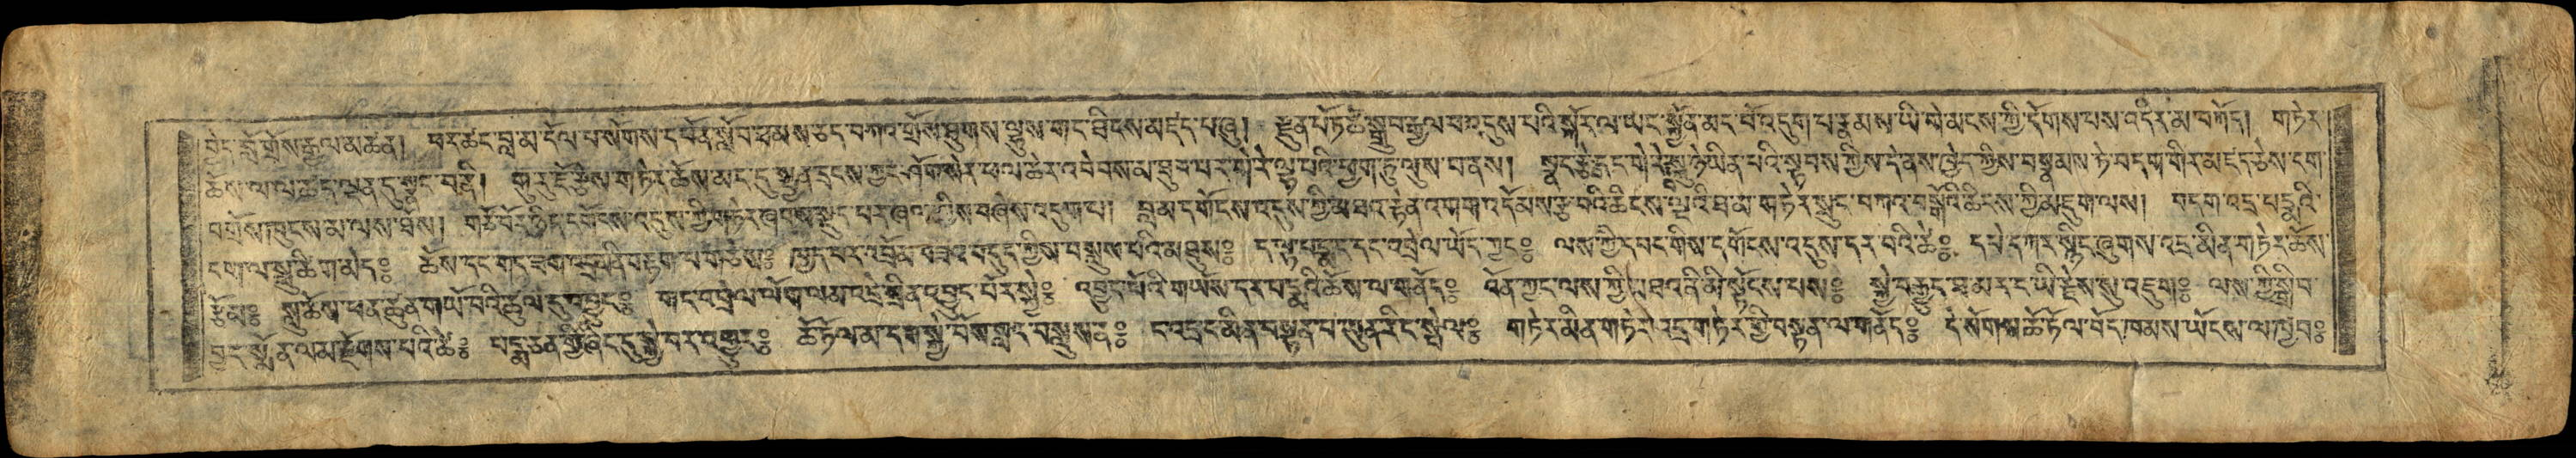བྱེད་བློ་གྲོས་རྒྱལ་མཚན། ཕར་ཚང་བླ་མ་དོལ་བ་སོགས་དཔོན་སློབ་ཐམས་ཅད་བཀའ་གྲོས་ཐུགས་ལྷུས་གང་ཐིངས་མཛད་པ་ཞུ། རྫུན་པོ་ཏ་ཚེ་སྒྲུབ་རྒྱལ་བ་འདུས་པའི་སྐོར་ལ་ཡང་སྐྱོན་མང་བོ་འདུག་པ་རྣམས་ཡི་གེ་རང་ཀྱི་དོགས་པས་འདིར་མ་བཀོད། གཏེར་
ཆོས་ལ་ལ་ཚད་ལྡན་དུ་སྣང་བ་ནི། གུ་རུ་ཇོ་རྩེས་གཏེར་ཆོས་མང་དུ་སྤྱན་དྲངས་ཀྱང་ཤོག་སེར་ཕལ་ཆེར་འབབས་མ་ཐུབ་པར་གེ་རེ་ལྷ་བའི་ཕྱག་ཏུ་ལུས་པ་ནས། སྣང་རྩེབ་དང་གེ་ནེབ་སྐུ་ཉེ་ཡིན་པའི་སྟབས་ཀྱིས་དེ་ནས་ཁྱེད་ལྟས་བསྣམས་ཏེ་བདག་གིར་མཛད་ཅེས་ངག་
བགྲོས་ཁུངས་མ་ལས་ཐོས། གཙོ་བོར་ཉིད་དགོངས་འདུས་ཀྱི་གཏེར་ཞབས་སྔད་པར་ཞལ་གྱིས་བཞེས་འདུག་པ། བླ་མ་དགོངས་འདུས་ཀྱི་མཐའ་རྟེན་འགག་འདོམས་རྩ་བའི་ཆིངས་ལྔའི་ཐ་མ་གཏེར་སྲུང་བཀའ་བསྒོའི་ཆིངས་ཀྱི་མཇུག་ལས། བདག་འདྲ་པདམའི་
ངག་ལ་སླུ་ཚིག་མེདཿ་ཆོས་དང་གང་ཟག་འདྲ་མིན་བརྟག་པ་གཅསཿ་ཁྱད་པར་འབྲོམ་བཟའ་བདུད་ཀྱིས་བསླུས་པའི་མཐུསཿ་ད་ལྟ་པདམ་ང་དང་འབྲེལ་ཡོད་ཀྱངཿ་ལས་ཀྱི་དབང་གིས་དགོངས་འདུས་དར་བའི་ཚེཿ་དཔེ་དཀར་སྙིང་ཞུགས་འདྲ་མིན་གཏེར་ཆོས་
རྩོམཿ་སླུ་ཆོས་ཕན་ཚུན་གཡོ་བའི་ཚུལ་དུ་འབྱུངཿ་གང་འབྲེལ་ལོག་ལམ་འདྲེ་སྲིན་འབྱུང་པོར་སྐྱེཿ་འབྱུང་བོའི་གཡོས་དར་པདམའི་ཆོས་ལ་གནོདཿ་འོན་ཀྱང་ལས་ཀྱི་མཐའ་ནི་མི་སྟོངས་པསཿ་སྐྱེ་བརྒྱུད་ཐ་མར་ང་ཡི་རྗེས་སུ་འཇུགཿ་ལས་ཀྱི་སྒྲིབ་
བྱང་སྨོན་ལམ་རྫོགས་པའི་ཚེཿ་པདམ་ཅན་གྱི་ཞིང་དུ་སྐྱེ་བར་འགྱུརཿ་ཆོ་ཏོལ་མ་དག་སྐྱེ་བོས་སླར་བསླུས་ནཿ་ང་འདྲ་ང་མིན་བསྟན་པ་ཡུན་རིང་སྤེལཿ་གཏེར་མིན་གཏེར་འད་གཏེར་གྱི་བསྟན་ལ་གནོདཿ་དེ་སོགས་ཆོ་ཏོལ་བོད་ཁམས་ཡོངས་ལ་ཁྱབཿ